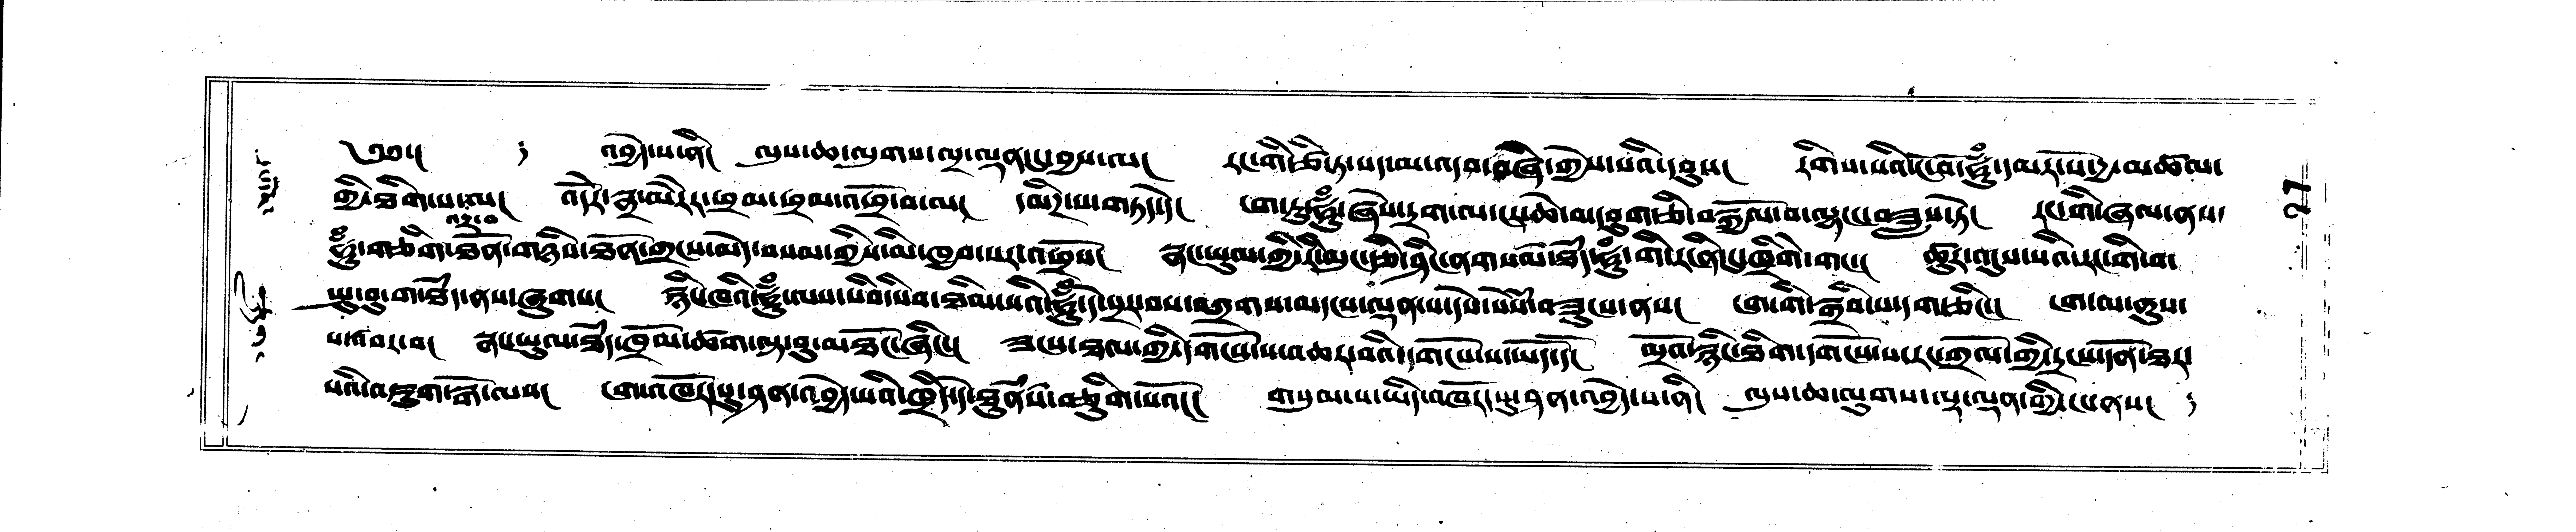འབྱེད་པ་ནི། ལུས་ཆ་ལུགས་ལྔ་ལྡན་དུ་བྱས་ལ། རང་གི་ཙིརྟ་པད་མ་འདབ་བཞི་གྱེས་པའི་དབུས་སུ། རིག་པའི་ངོ་བོ་ཧཱུཾ་དམར་པོ་རྒྱ་མཚལ་
གྱི་ཐིགས་པ་འདྲ་བ་ལ། འོད་ཟེར་སྣ་ལྔ་མེར་མེར་ཕྲོམ་ཕྲོམ་འཕྲོ་བ་ལ། དམིགས་པ་གཏད་དེ། ངག་ཏུ་ཧཱུཾ་ཞེས་དྲག་ལ་ངར་ཆེ་བ་དབུགས་ཅི་བསྐྱོལ་བ་ལྷང་ལྷང་བཟླས་ཏེ། རང་གི་ཞལ་ནས་
ཧཱུཾ་གཅིག་ཐོན་གཉིས་ཐོན་གྲངས་མེད་བསམ་གྱིས་མི་ཁྱབ་པ་འཕྲོས། སྣང་ཡུལ་གྱི་རི་ལུང་རྩི་ཤིང་ནགས་ཚལ་ཐམས་ཅད་ཧཱུཾ་གི་རང་བཞིན་དུ་ཁྲིག་གིས་གང་། ཚུར་འདུས་པས་རང་གི་བ་
སྤུ་གུ་ག་ཐམས་ཅད་ནས་ཞུགས། སྙིང་ཁའི་ཧཱུཾ་ལས་སིབ་སིབ་ཐིམས་པའི་ཧཱུཾ་དེ་སྔར་བས་བཀྲག་མདངས་ལྡན་པ་དེས་སེམས་བཟུང་ནས། ངག་གི་སྒྲིབ་པ་དག་ཅིང་། ངག་ལ་ནུས་
པ་འབར་བ། སྣང་ཡུལ་ཐམས་ཅད་ཁྲོམ་ཚག་ལྟ་བུར་མཐོང་ཞིང་། ཟང་ཐལ་གྱི་དགོངས་པ་འཆར་བའི་དགོས་པ་ཡོད་དོ། ། །མཁའ་འགྲོ་སྙིང་ཐིག་དགོངས་པ་རང་གྲོལ་གྱི་དྲང་དོན་ཐར་
པའི་འཇུག་སྒོ་ལས། ངག་འཁོར་འདས་རུ་ཤན་འབྱེད་པའི་ཁྲིད་དེ་ཐུན་མཚམས་བཅུ་གཅིག་པའོ།། །།གསུམ་པ་ཡིད་འཁོར་འདས་རུ་ཤན་འབྱེད་པ་ནི། ལུས་ཆ་ལུགས་ལྔ་ལྡན་གྱི་ངང་ནས།